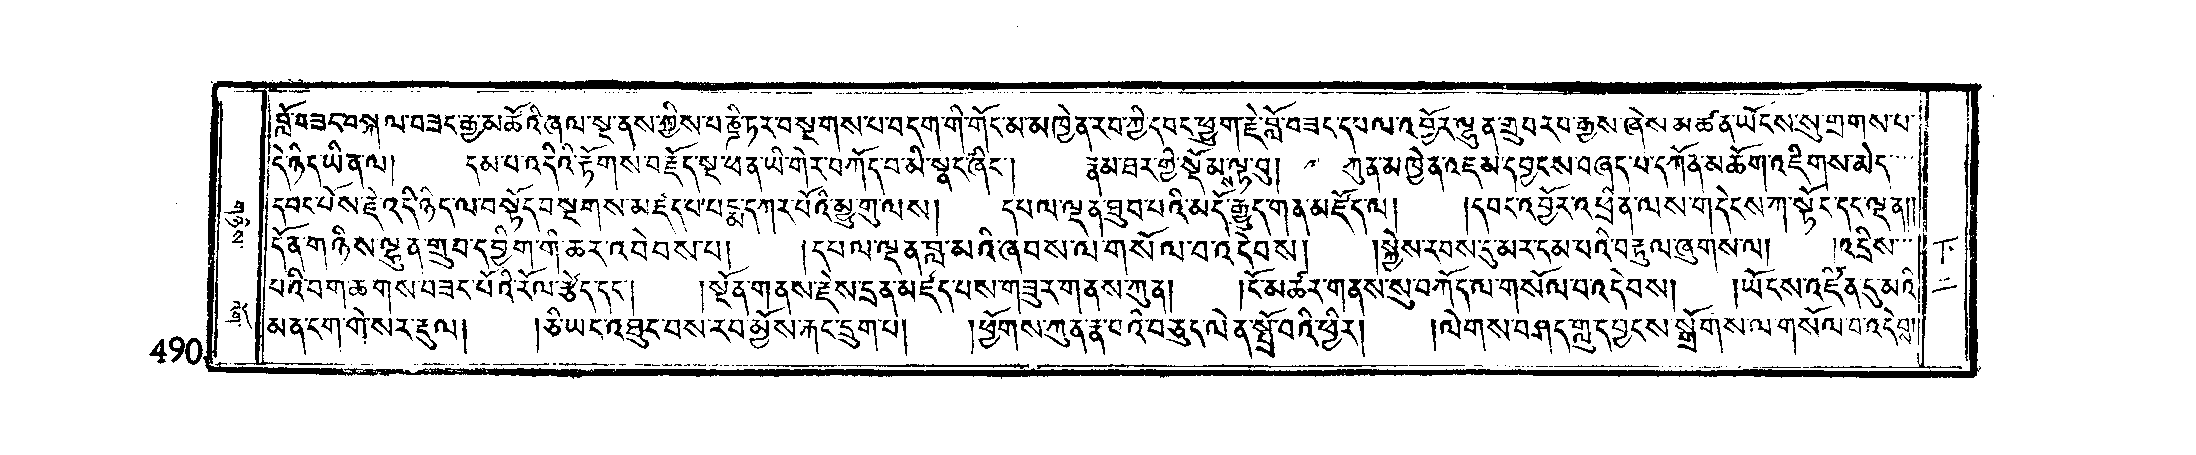བློ་བཟང་བསྐལ་བཟང་རྒྱ་མཚོའི་ཞལ་སྔ་ནས་ཀྱིས་པཎྜི་ཏར་བསྔགས་པ་བདག་གི་གོང་མ་མཁྱེན་རབ་ཀྱི་དབང་ཕྱུག་རྗེ་བློ་བཟང་དཔལ་འབྱོར་ལྷུན་གྲུབ་རབ་རྒྱས་ཞེས་མཚན་ཡོངས་སུ་གྲགས་པ་
དེ་ཉིད་ཡིན་ལ། དམ་པ་འདིའི་རྟོགས་བརྗོད་སྔ་ཕན་ཡི་གེར་བཀོད་པ་མི་སྣང་ཞིང་། རྣམ་ཐར་གྱི་སྡོམས་ལྟ་བུ། ༧་ཀུན་མཁྱེན་འཇམ་དབྱངས་བཞད་པ་དཀོན་མཆོག་འཇིགས་མེད་
དབང་པོས་རྗེ་འདི་ཉིད་ལ་བསྟོད་བསྔགས་མཛད་པ་པདམ་དཀར་པོའི་མྱུ་གུ་ལས། དཔལ་ལྡན་ཐུབ་པའི་མདོ་རྒྱུད་གན་མཛོད་ལ། །དབང་འབྱོར་འཕྲིན་ལས་གདེངས་ཀ་སྟོང་དང་ལྡན། །
དོན་གཉིས་ལྷུན་གྲུབ་དབྱིག་གི་ཆར་འབེབས་པ། །དཔལ་ལྡན་བླ་མའི་ཞབས་ལ་གསོལ་བ་འདེབས། །སྐྱེས་རབས་དུ་མར་དམ་པའི་བརྟུལ་ཞུགས་ལ། །འདྲིས་
པའི་བག་ཆགས་བཟང་པོའི་རོལ་རྩེད་དང་། །སྔོན་གནས་རྗེས་དྲན་མཛད་པས་གཟུར་གནས་ཀུན། །ངོ་མཚར་གནས་སུ་བཀོད་ལ་གསོལ་བ་འདེབས། །ཡོངས་འཛིན་དུ་མའི་
མན་ངག་གེ་སར་རྡུལ། །ཅི་ཡང་འཐུང་བས་རབ་མྱོས་རྐང་དྲུག་པ། །ཕྱོགས་ཀུན་རྣ་བའི་བཅུད་ལེན་སྤྲོ་བའི་ཕྱིར། །ལེགས་བཤད་གླུ་དབྱངས་སྒྲོགས་ལ་གསོལ་བ་འདེབས་